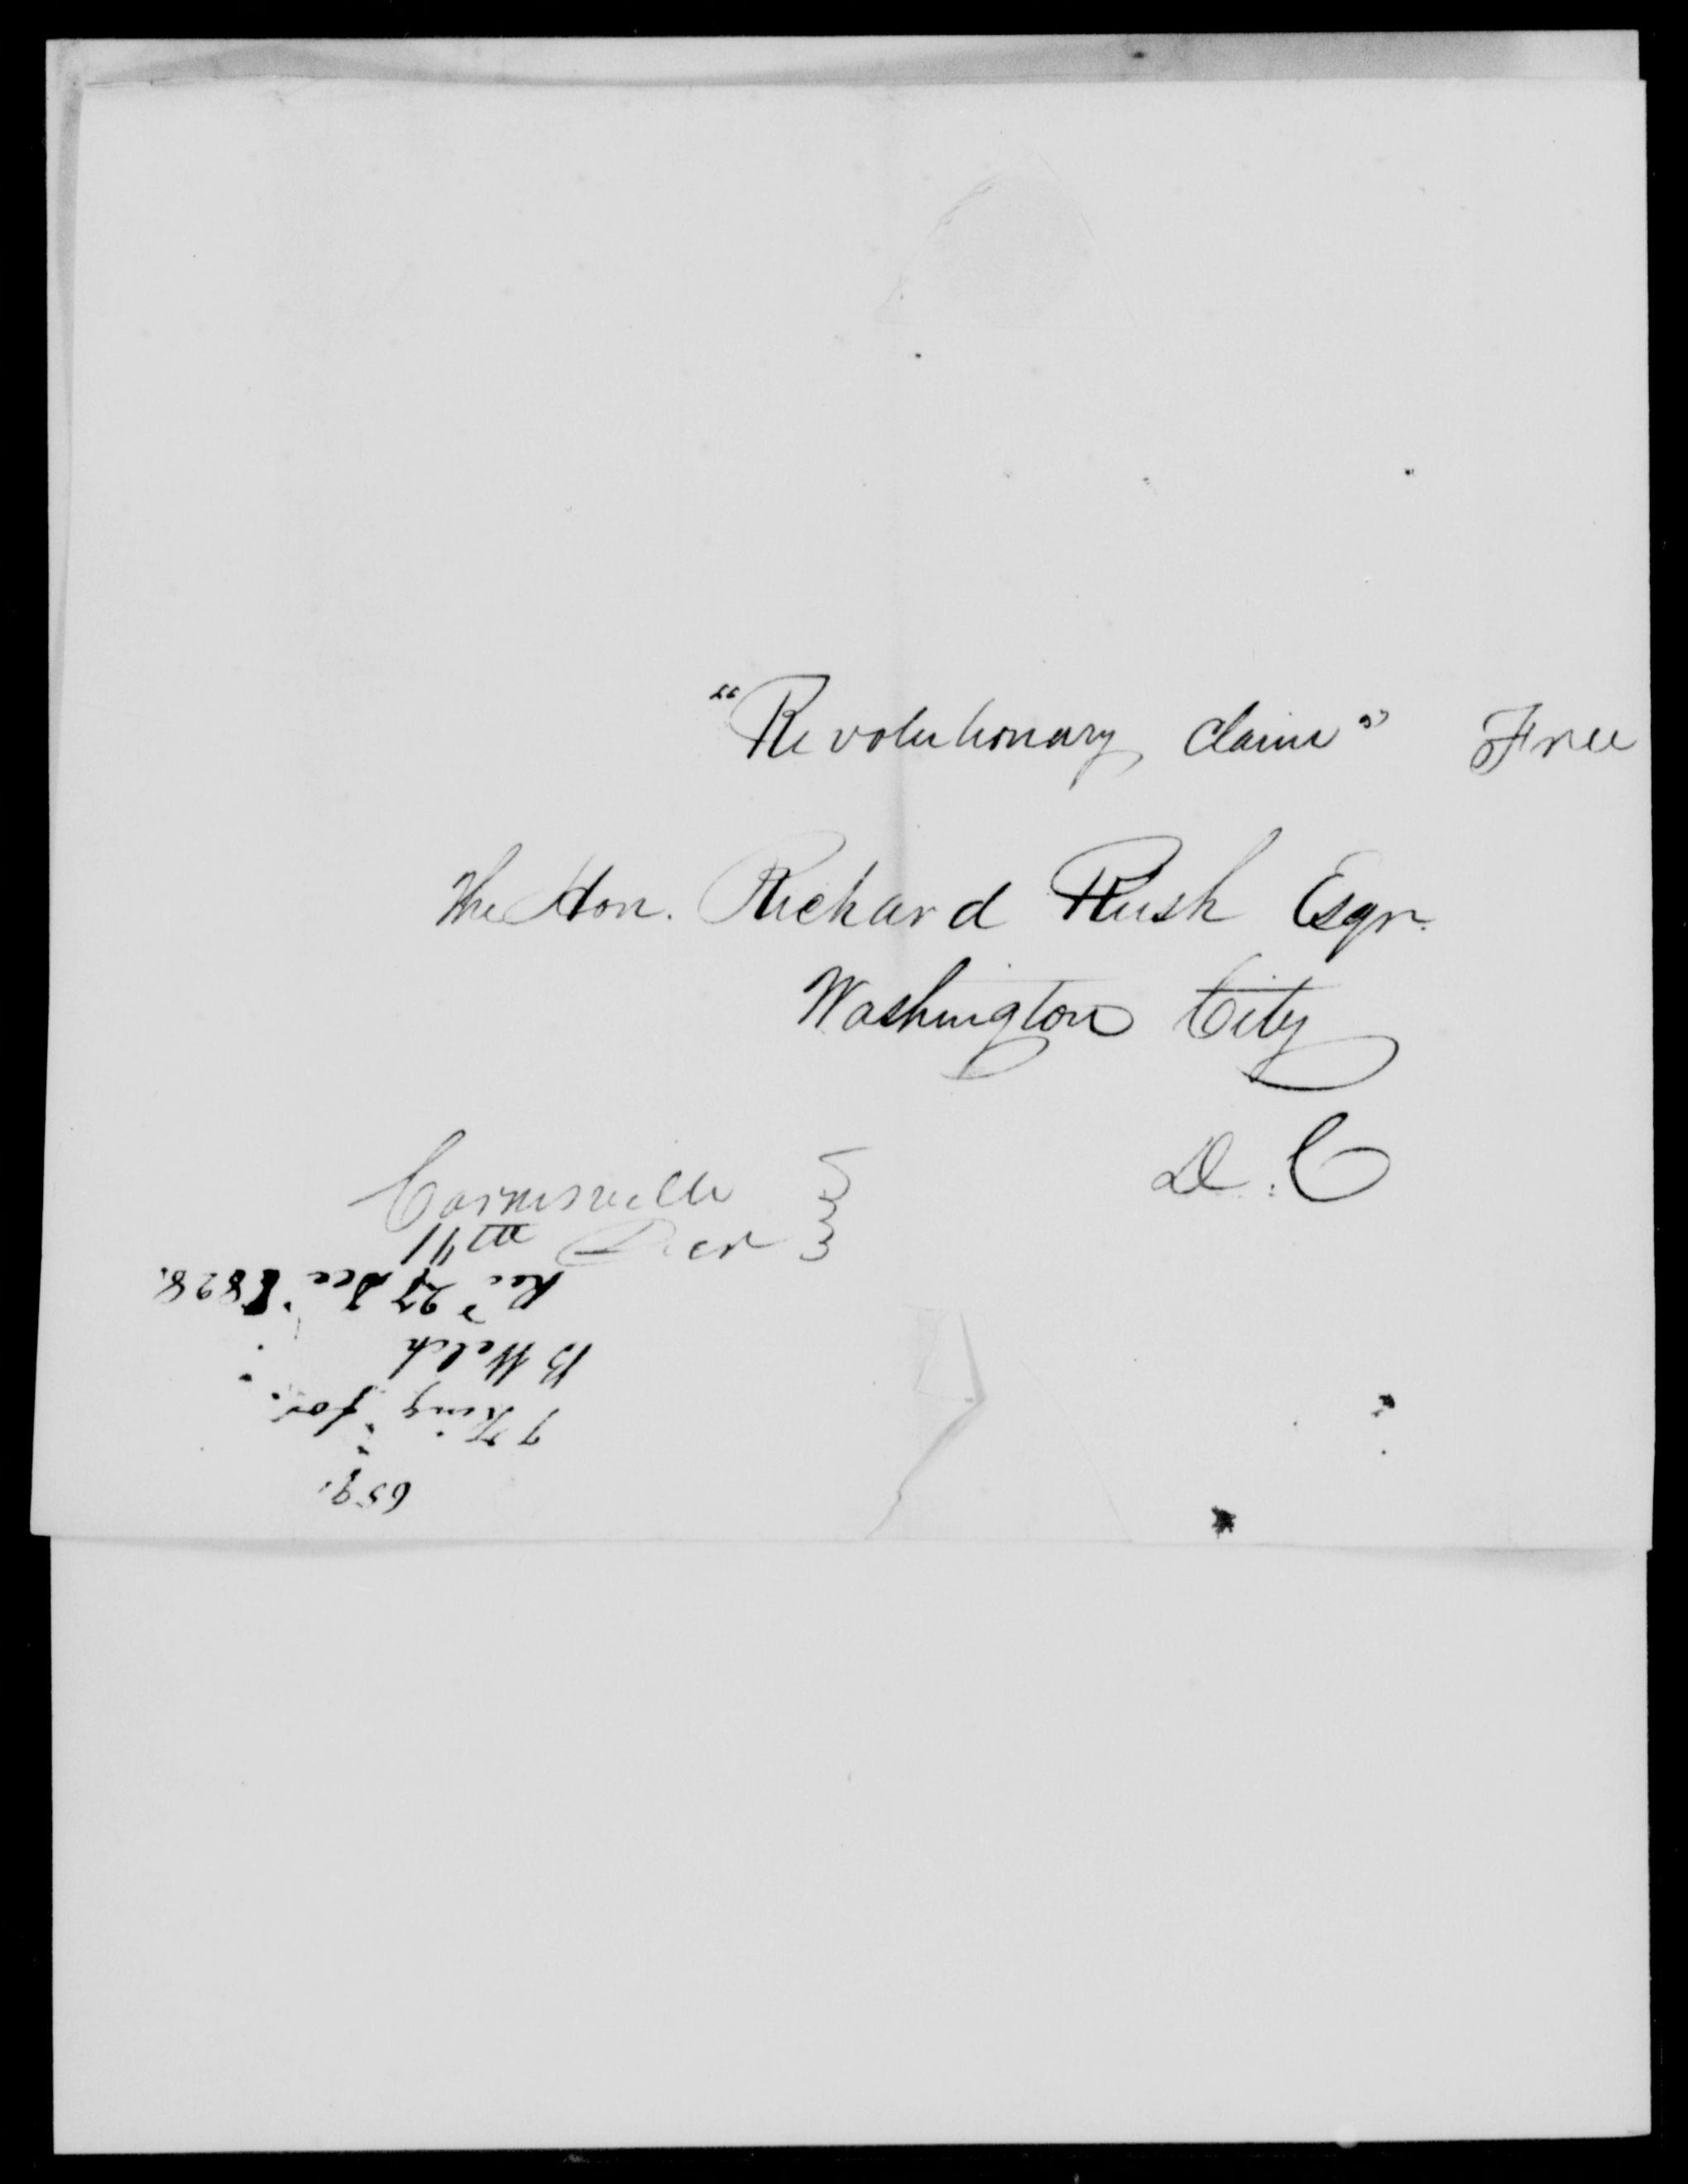"Revolutionary Claim"       Free
The Hon. Richard Rush Esqr.
Washington City
D. C
Carnesville
16th Decr.
659.
T King for
B Welch
Rec'd 27 Dec 1828.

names: Richard Rush, B Welch, T King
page: 20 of 23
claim: rejected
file: R. 20,446, Benjamin Welch, Ga.